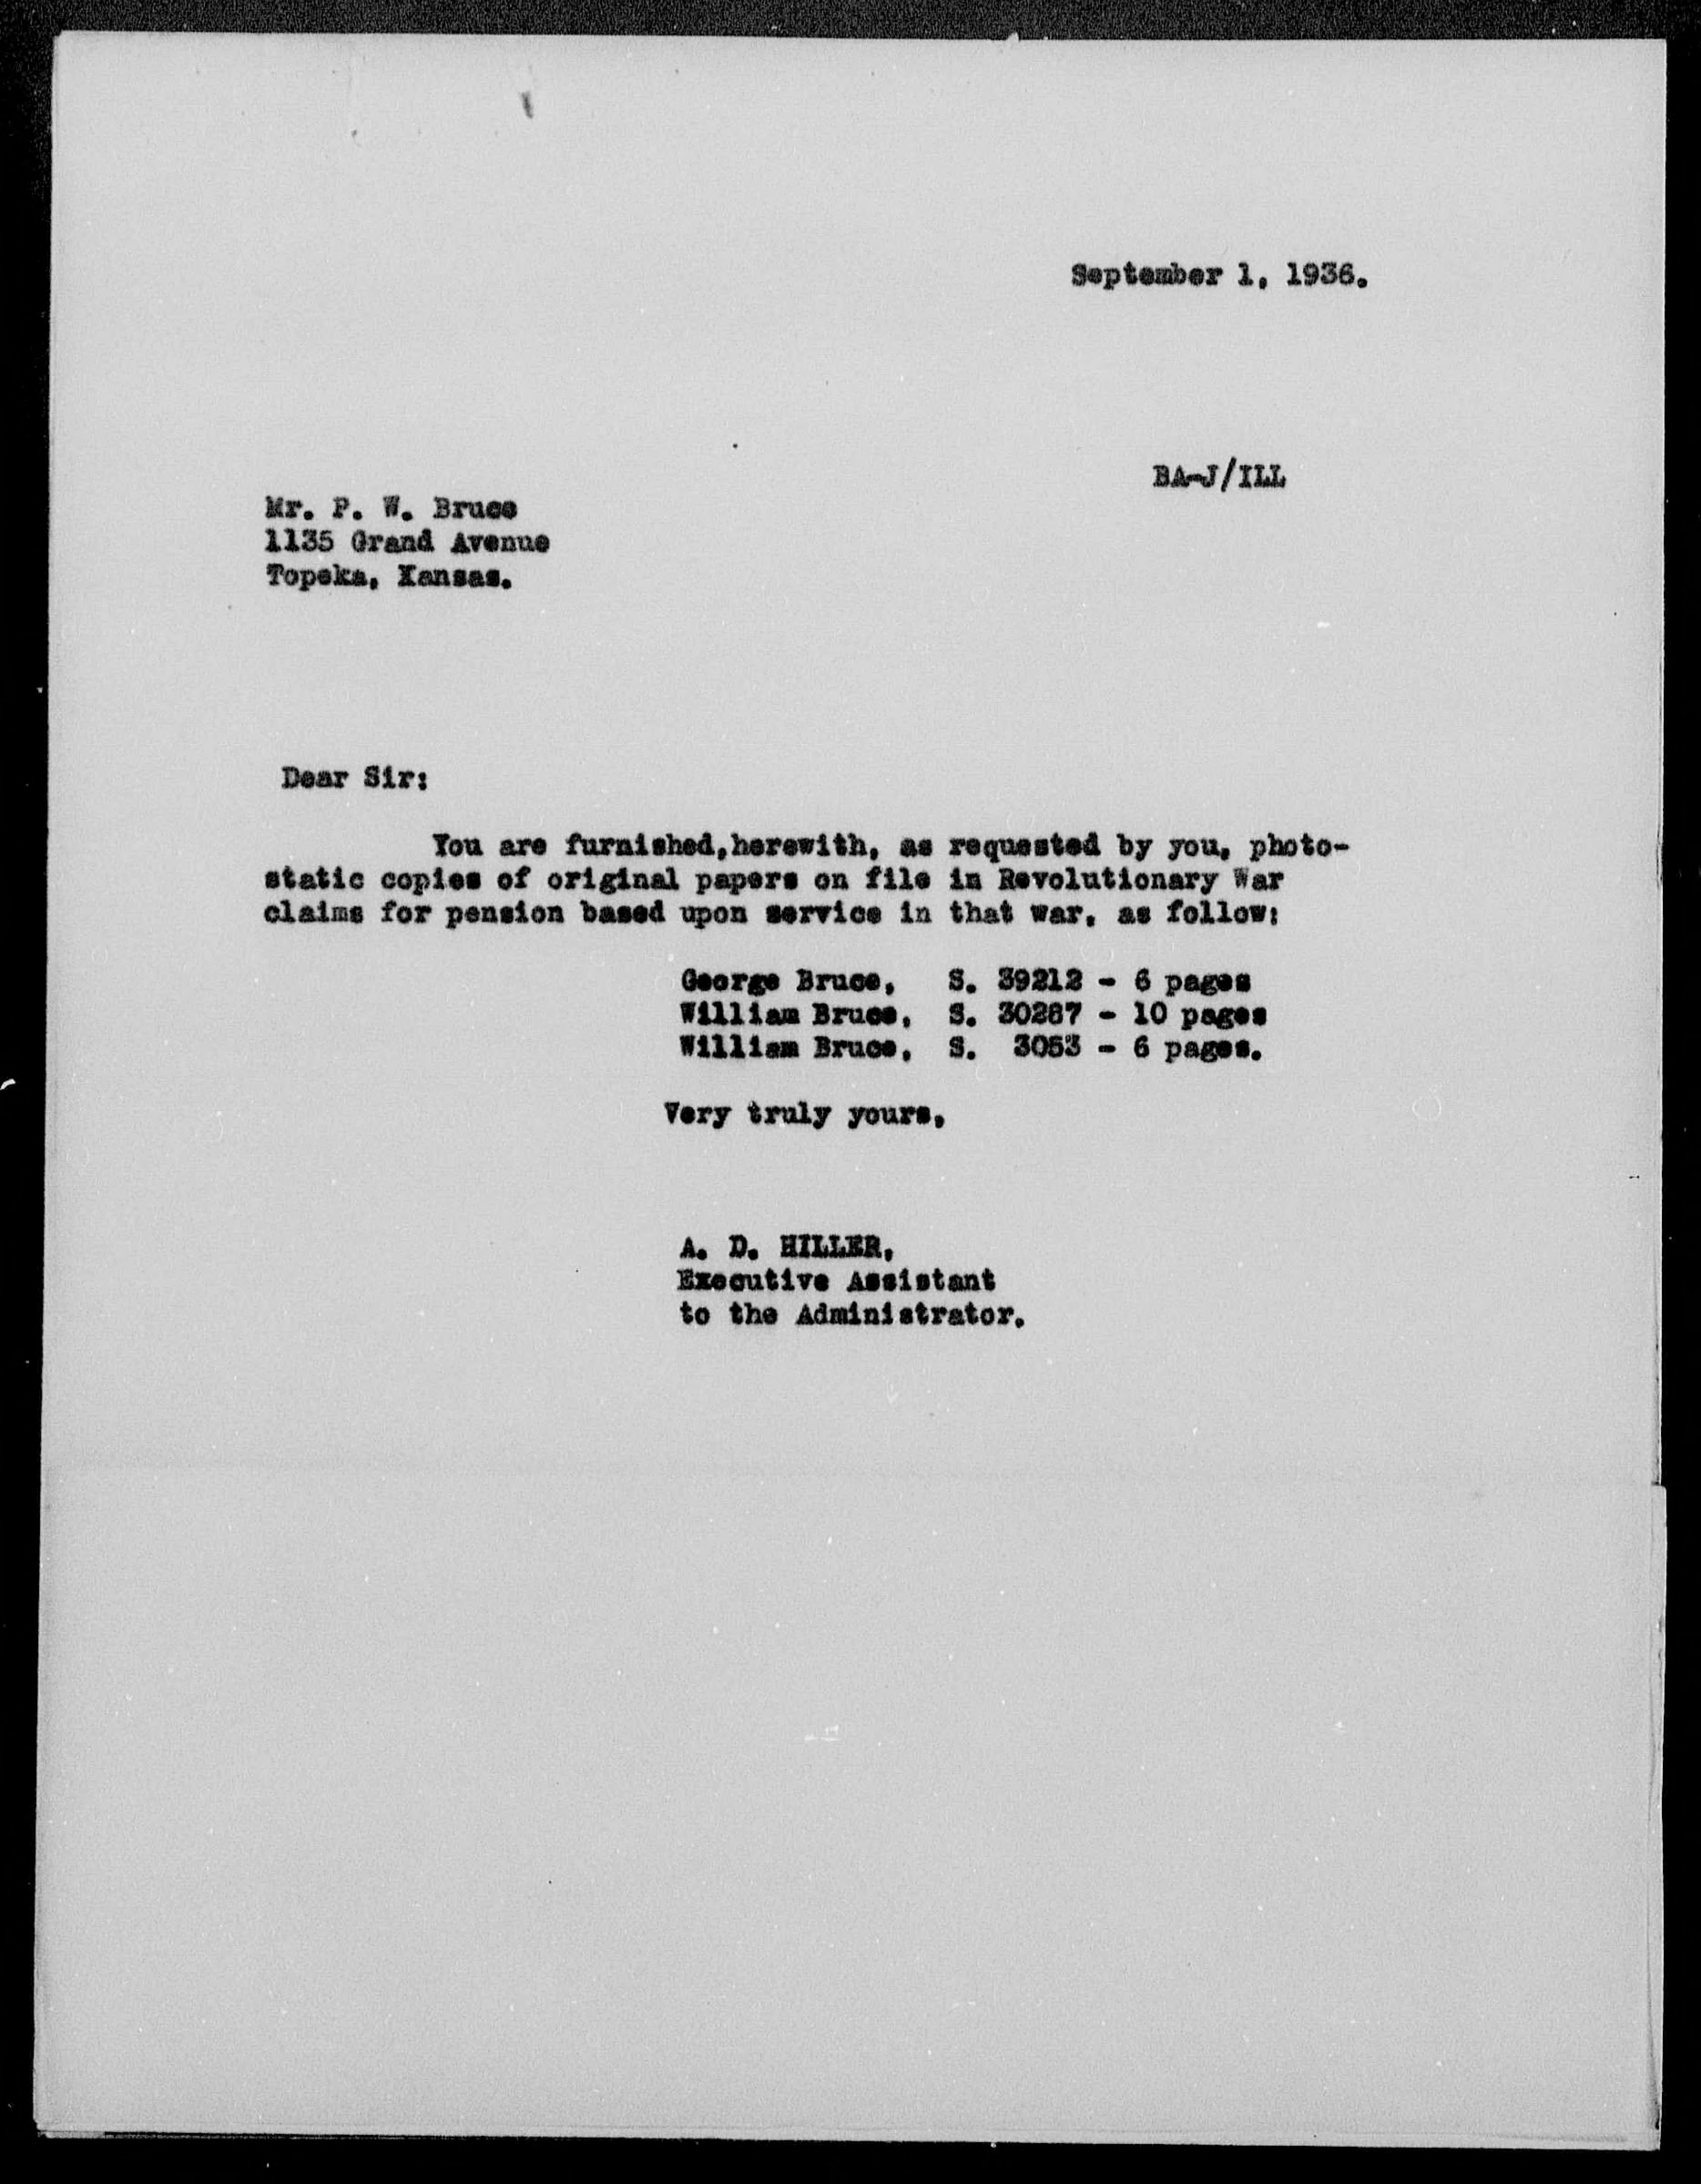[typed form, with handwritten responses]

September 1, 1936, 
BA-J/ILL

Mr. P.W. Bruce 
1135 Grand Avenue 
Topeka, Kansas. 

Dear Sir: 

You are furnished herewith, as requested by you, photostatic copies of original papers on file in Revolutionary War claims for pension based upon service in that war, as follow: 
George Bruce, S. 39212 - 6 pages 
William Bruce, S. 30287 - 10 pages 
William Bruce, S. 3053 - 6 pages. 

Very truly yours, 

A. D. HILLER, 
Executive Assistant 
to the Administrator.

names: William Bruce, A D Hiller, P W Bruce, George Bruce, William Bruce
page: 31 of 54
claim: survivor's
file: S. 30287, William Bruce, N.C.